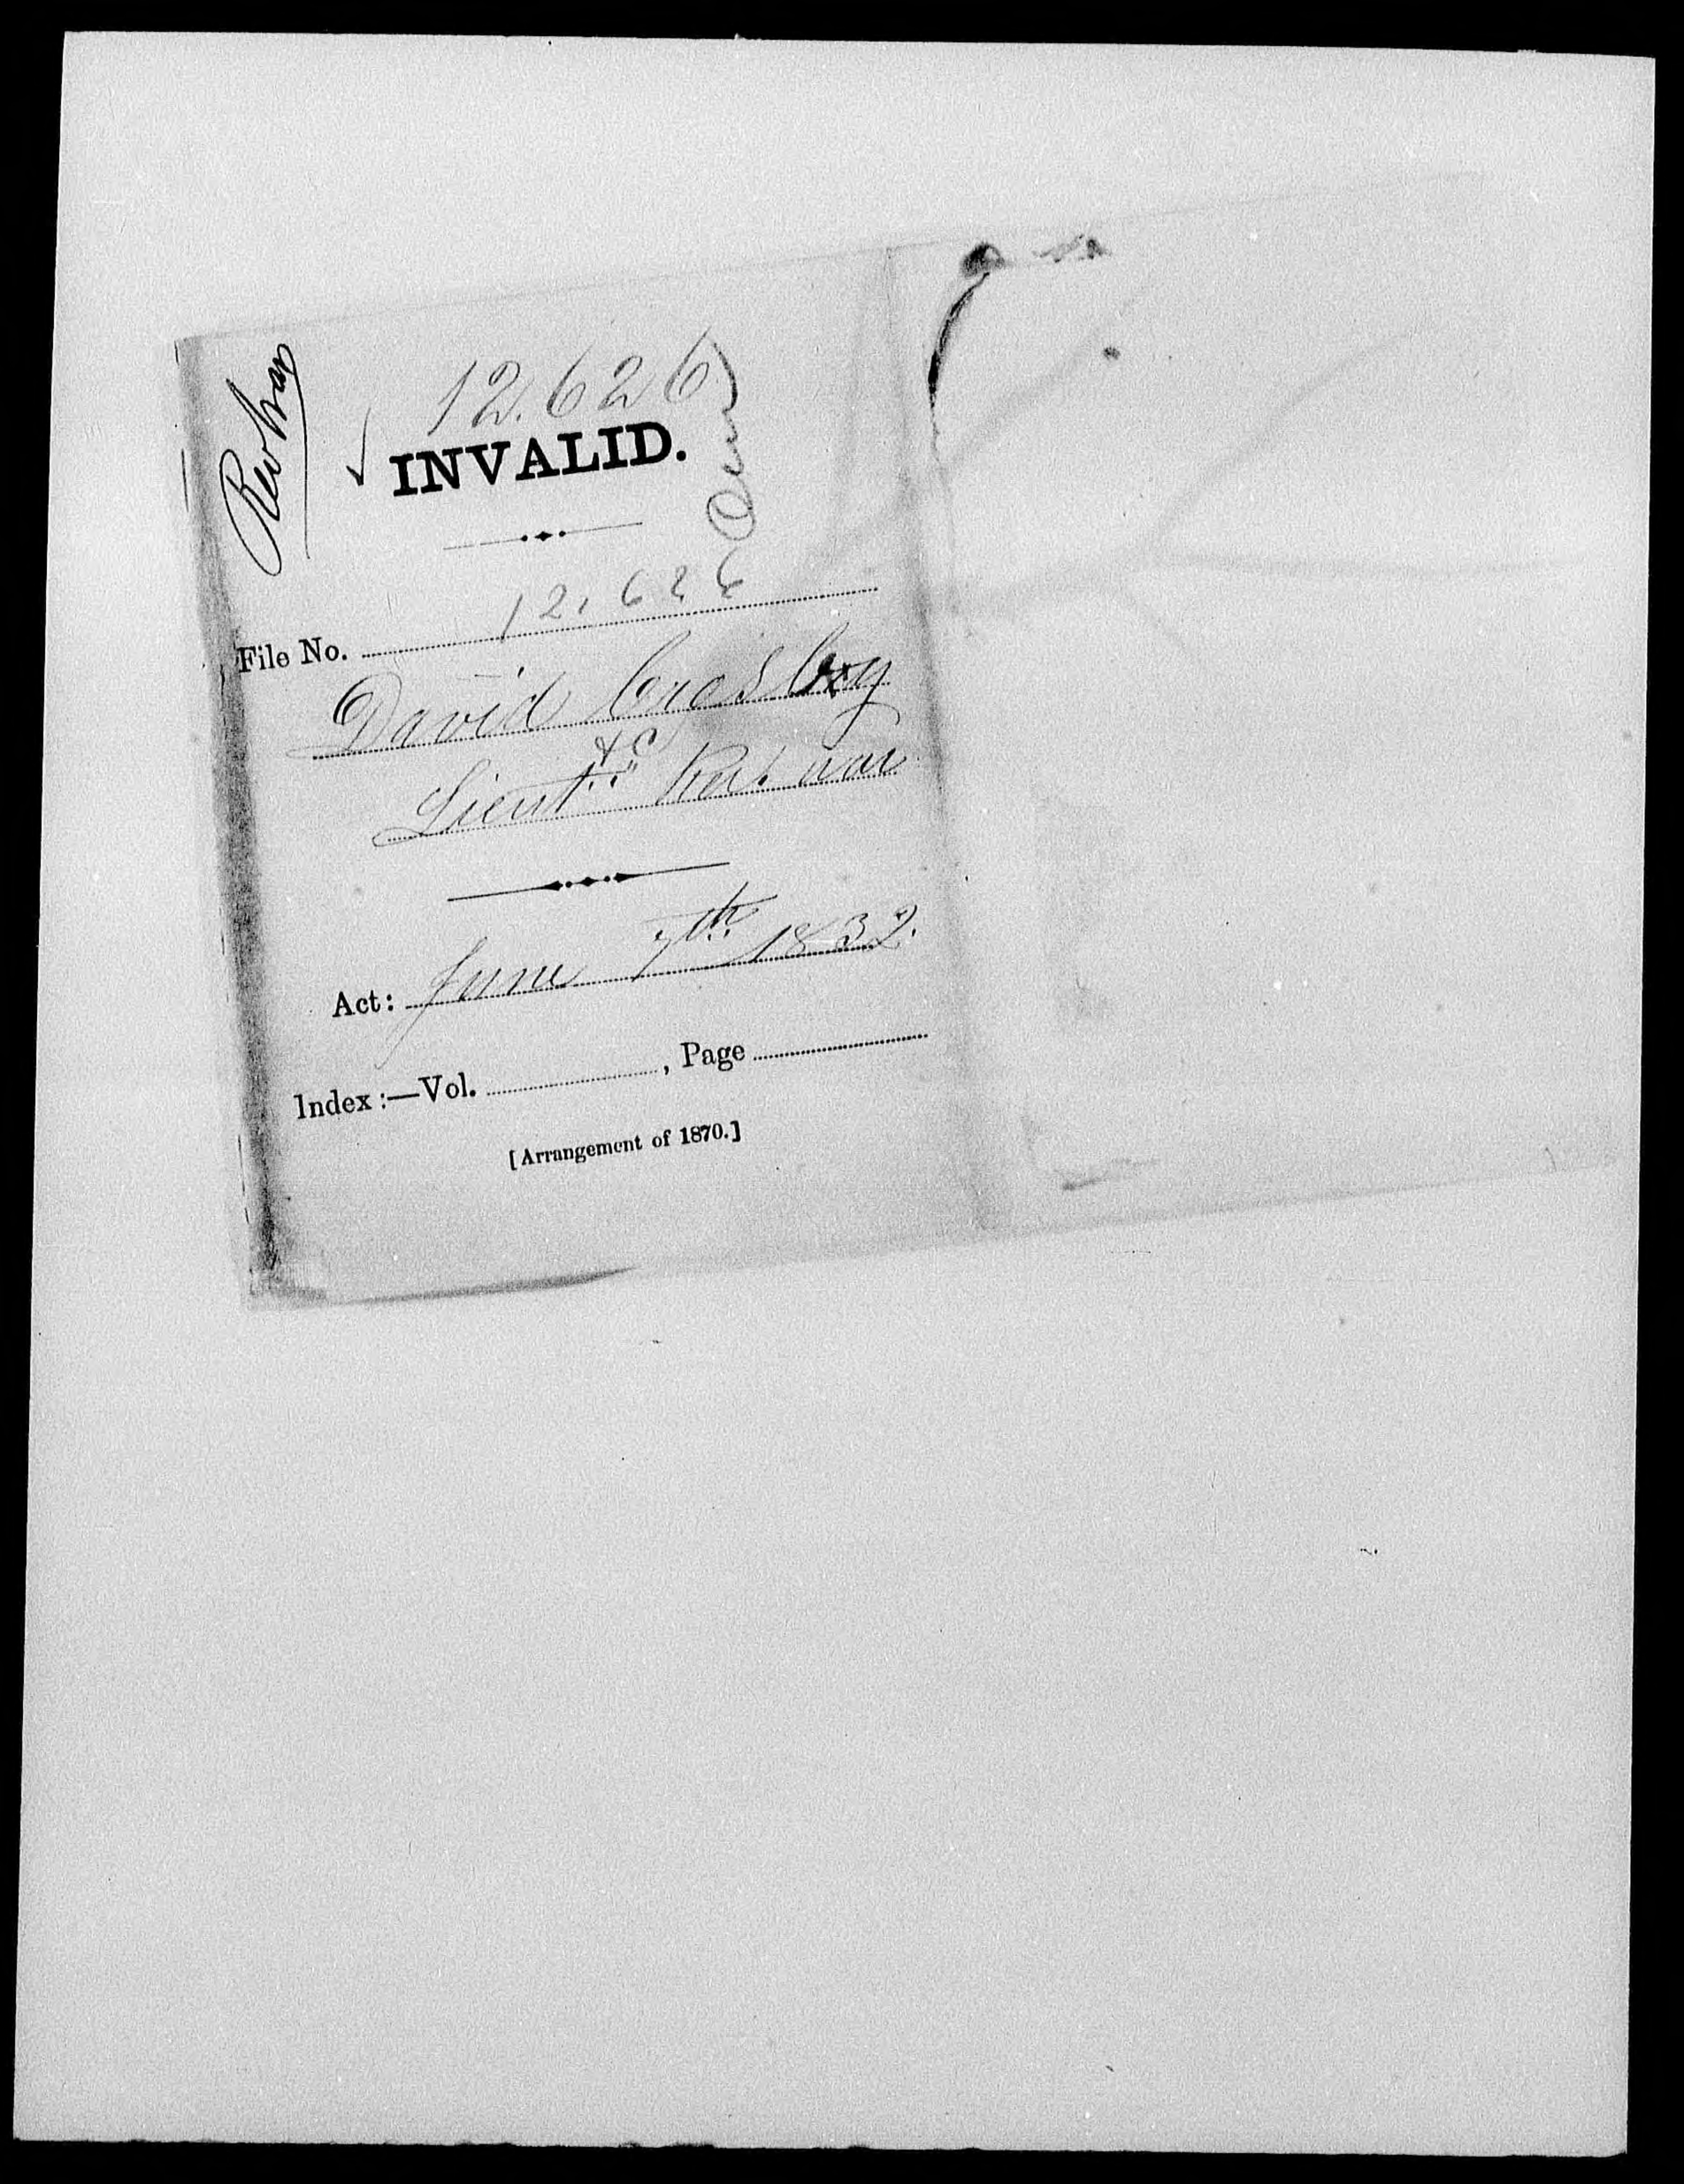12.626
INVALID.
File No. 12.162
David Crosby
Lieut & C Rev War
Act: June 7th 1832

[Arrangement of 1870]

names: David Crosby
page: 13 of 19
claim: survivor's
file: S. 12626, David Crosby, Penn.